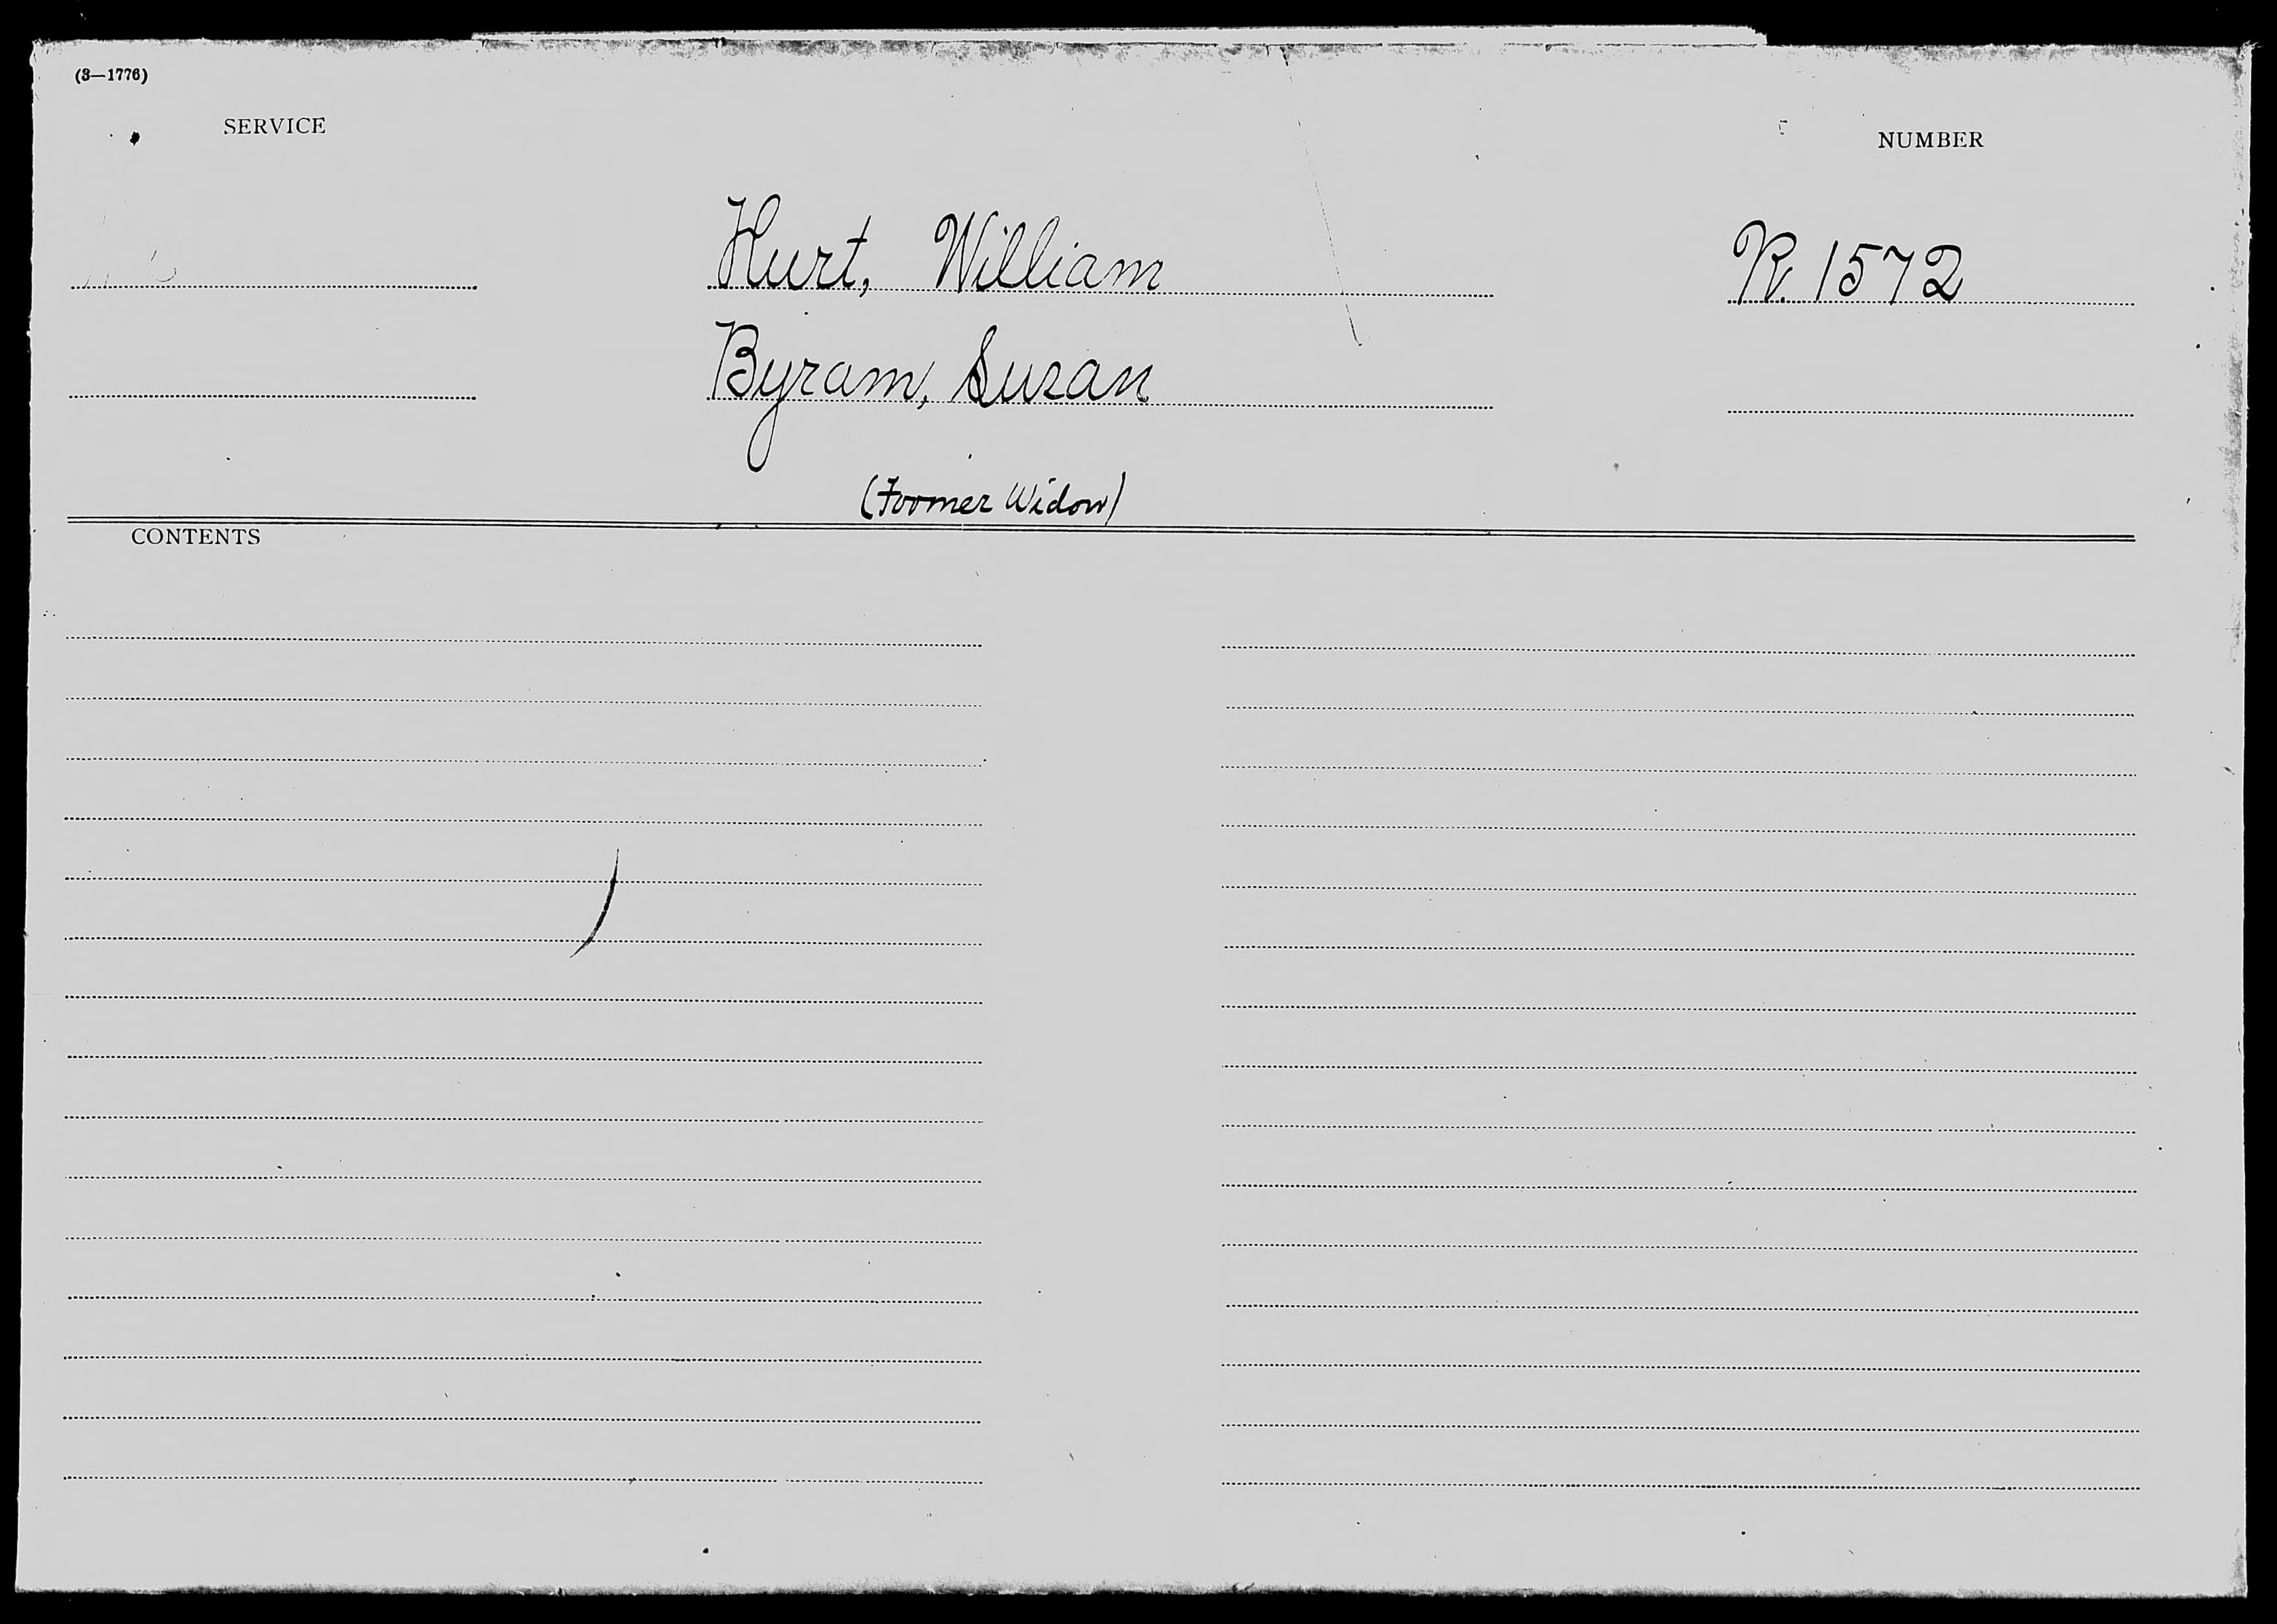( 3-1776  SERVICE NC Hurt , William Byram , Susan ( former widow )  NUMBER R.1572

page: 1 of 75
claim: rejected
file: R. 1572, for William Hurt, [Blank]